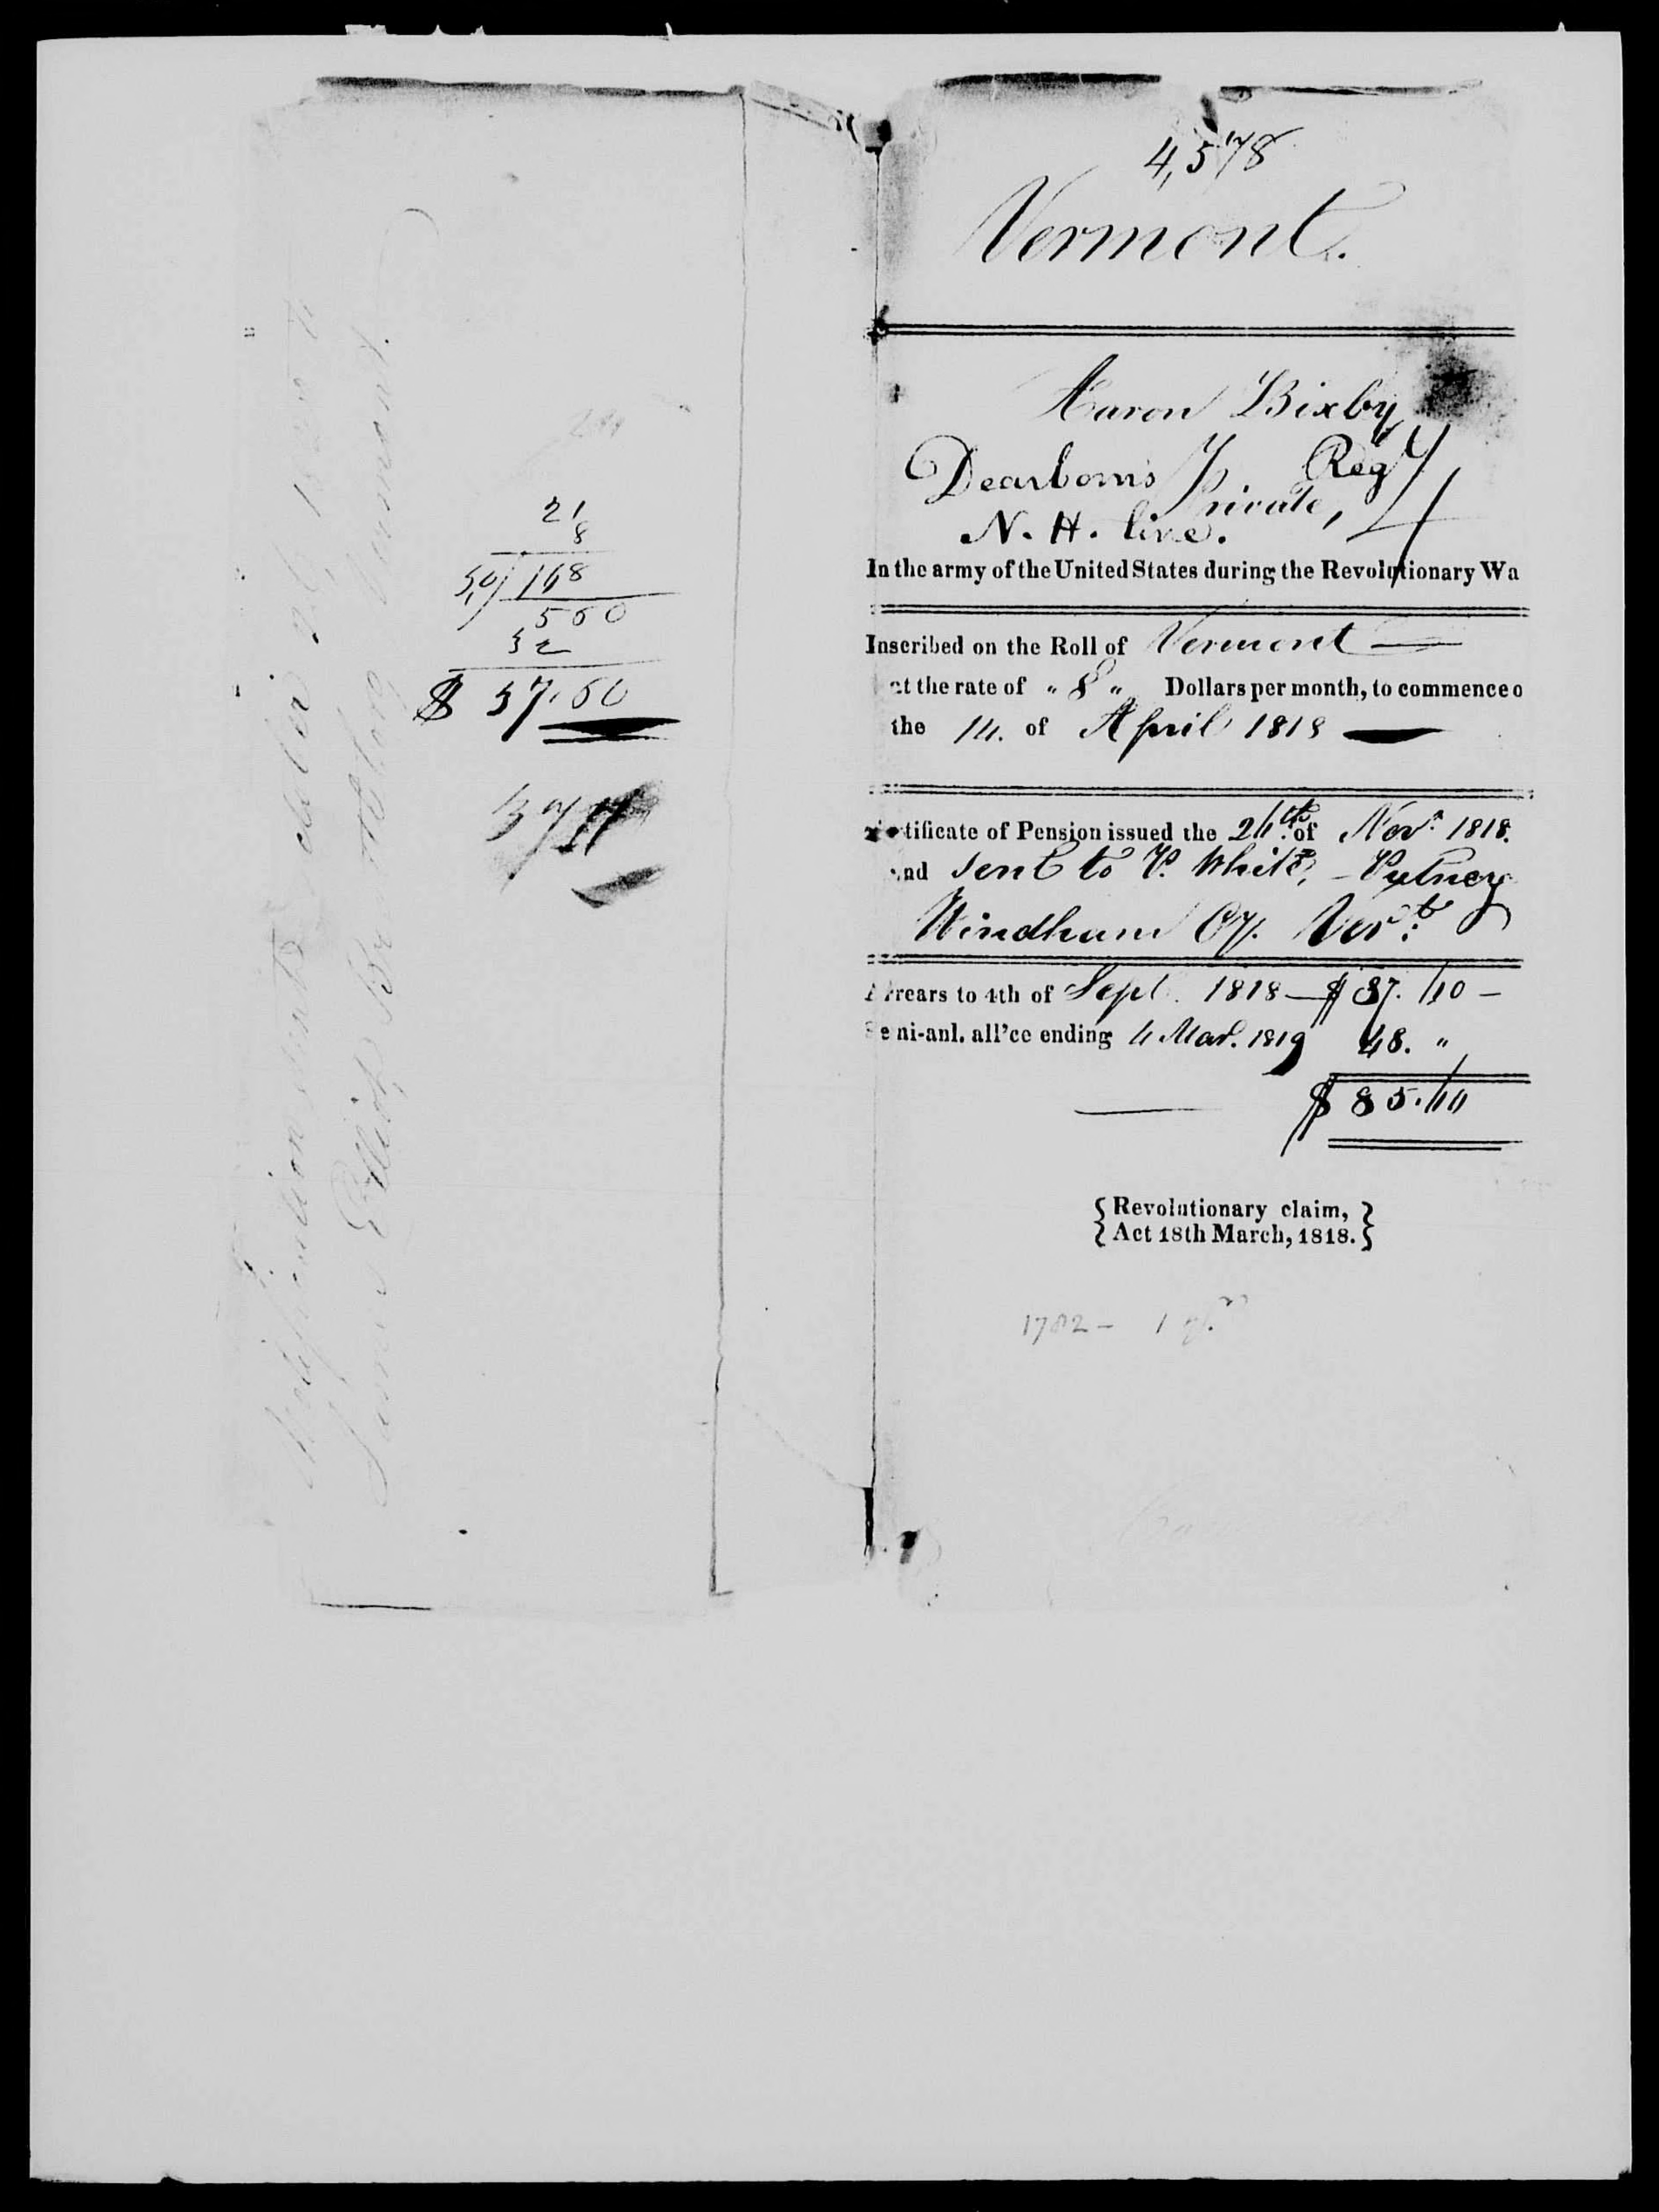4,578
Vermont.

Aaron Bixby
Dearborn's Ys. Reg y
N.H. live.
In the army of the United States during the Revolutionary War

Inscribed on the Roll of Vermont
at the rate of "8" Dollars per month, to commence
the 14. of April 1818

Certificate of Pension issued the 26th of Nov 1818.
and sent to y.s White, Putney
Windham Cy. Ver:t

Arrears the 4th of Sept. 1818         __$37.60 -
Semi-anl. all'cc ending 4 Mar. 1819   48."
                                                         __________
                                                          $85.60
                                                          __________
Revolutionary claim,
Act 18th March, 1818.

[on left side of folded paper]
21
  8
S,0/ 168
_________
560
32
_________
$ 37.50
___________
37 [rest smudged]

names: Aaron Bixby, P White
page: 2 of 17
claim: survivor's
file: S 41436, Aaron Bixby, N.H.